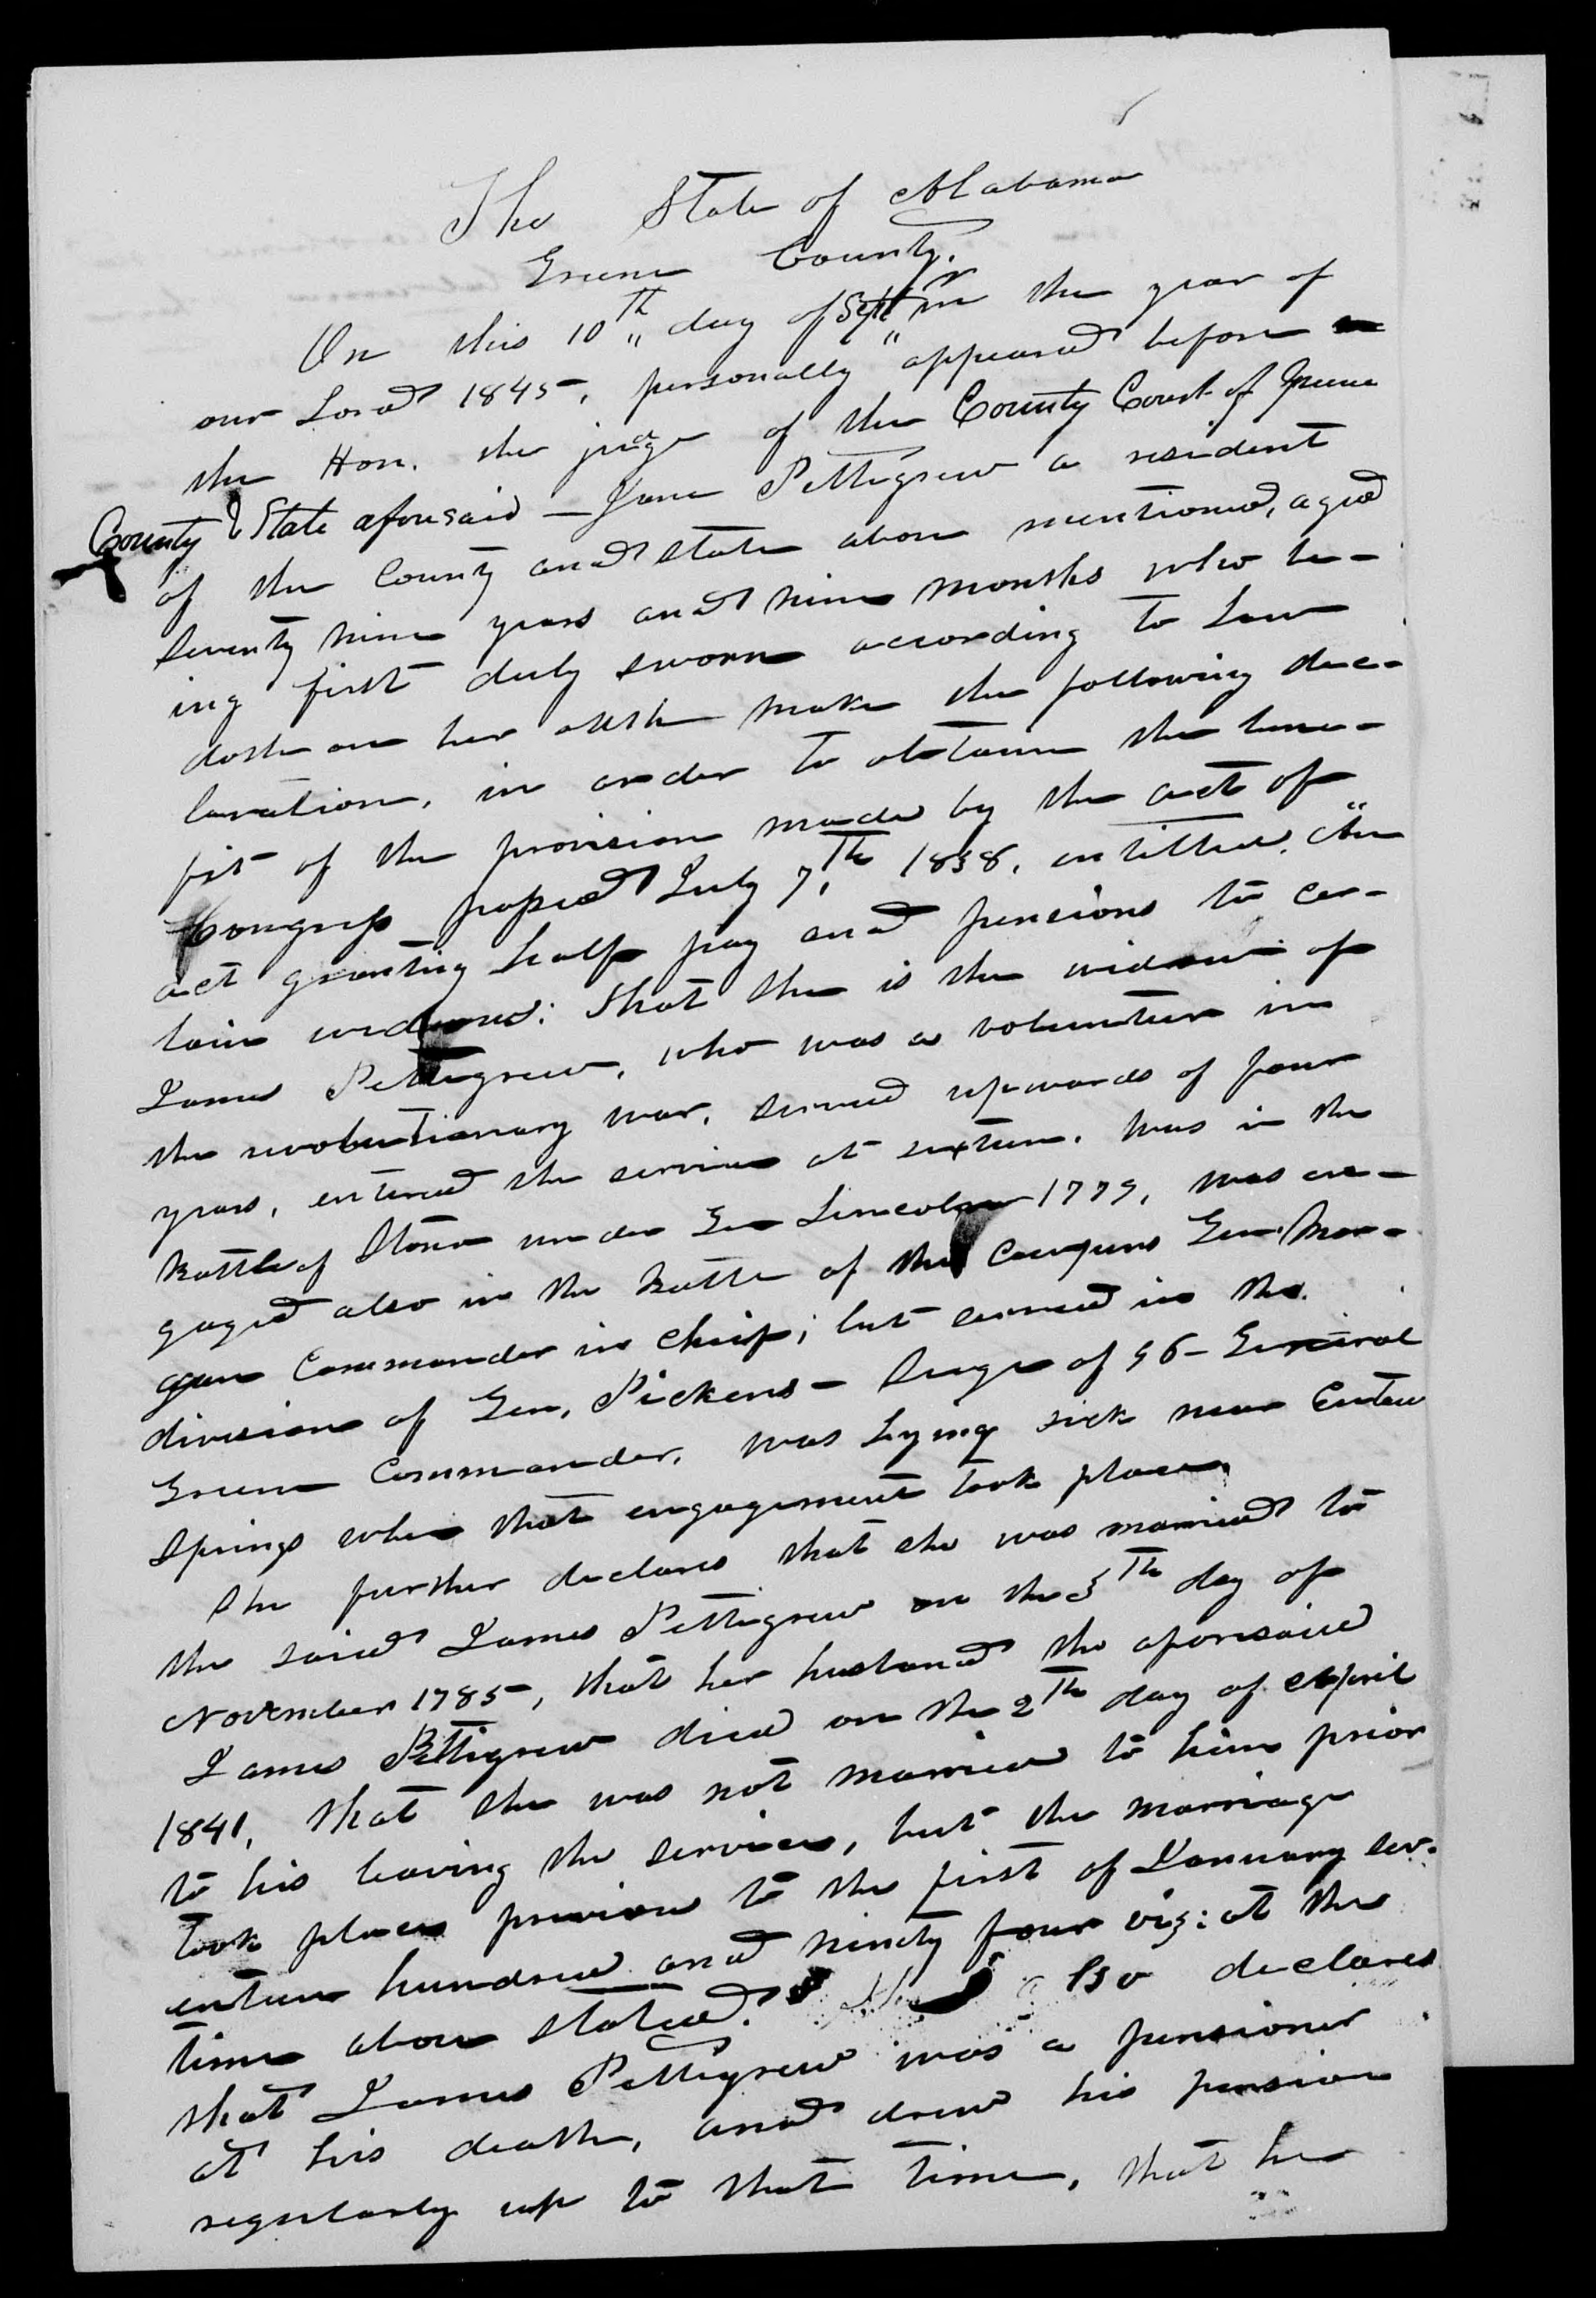The State of Alabama
Greene County 
On this 10th day of Sept in the year of
our Lord 1845, personally appeared before
the Hon the judge of this County Court of Greene
County & State aforesaid James Pettigrew a resident
of the County and state above mentioned, aged
Seventy nine years and nine months who be - 
=ing first duly sworn according to Law
doth on her oath make the following dec
laration, in order to obtain the bene-
fit of the pension made by the act of 
Congress proposed  July 7th 1838, entitled "an
act granting half pay and pensions to cer-
tain widows: That she is the widow of
James Pettigrew, who was a volunteer in
the revolutionary war served upwards of four
years, entered the service at sixteen was in the
Battle of Stone under Gen Lincoln 1779, was en=
gaged also in the Battle of this Cowpens  Gen Mor
gan commander in cheif, but [illegible] in the
division of Gen. Pickens Siege of 96-[illegible]

Greene commander, was lying sick misses Eutaw
Spring when that engagement took place

she further declares that she was married to
the said James Pettigrew on the16th day of 
November 1785,  Then her husband  the aforesaid
James Pettigrew died on the 2th day of April
1841. that she was not married to him prior
to his leaving the service, but the marriage
took place previous to the first of January
[illegible] hundred and ninety four viz at th
time above stated [illegible]declared
that James Pettigrew was a pensioner
at his death, and draw his pension
regularly up to that time, that his
-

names: Jane Pettigrew; Geo Lincolm; [BLANK] Pickens; James Pettigrew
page: 16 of 92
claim: widow's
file: W. 5522, for James Pettigrew, South Carolina